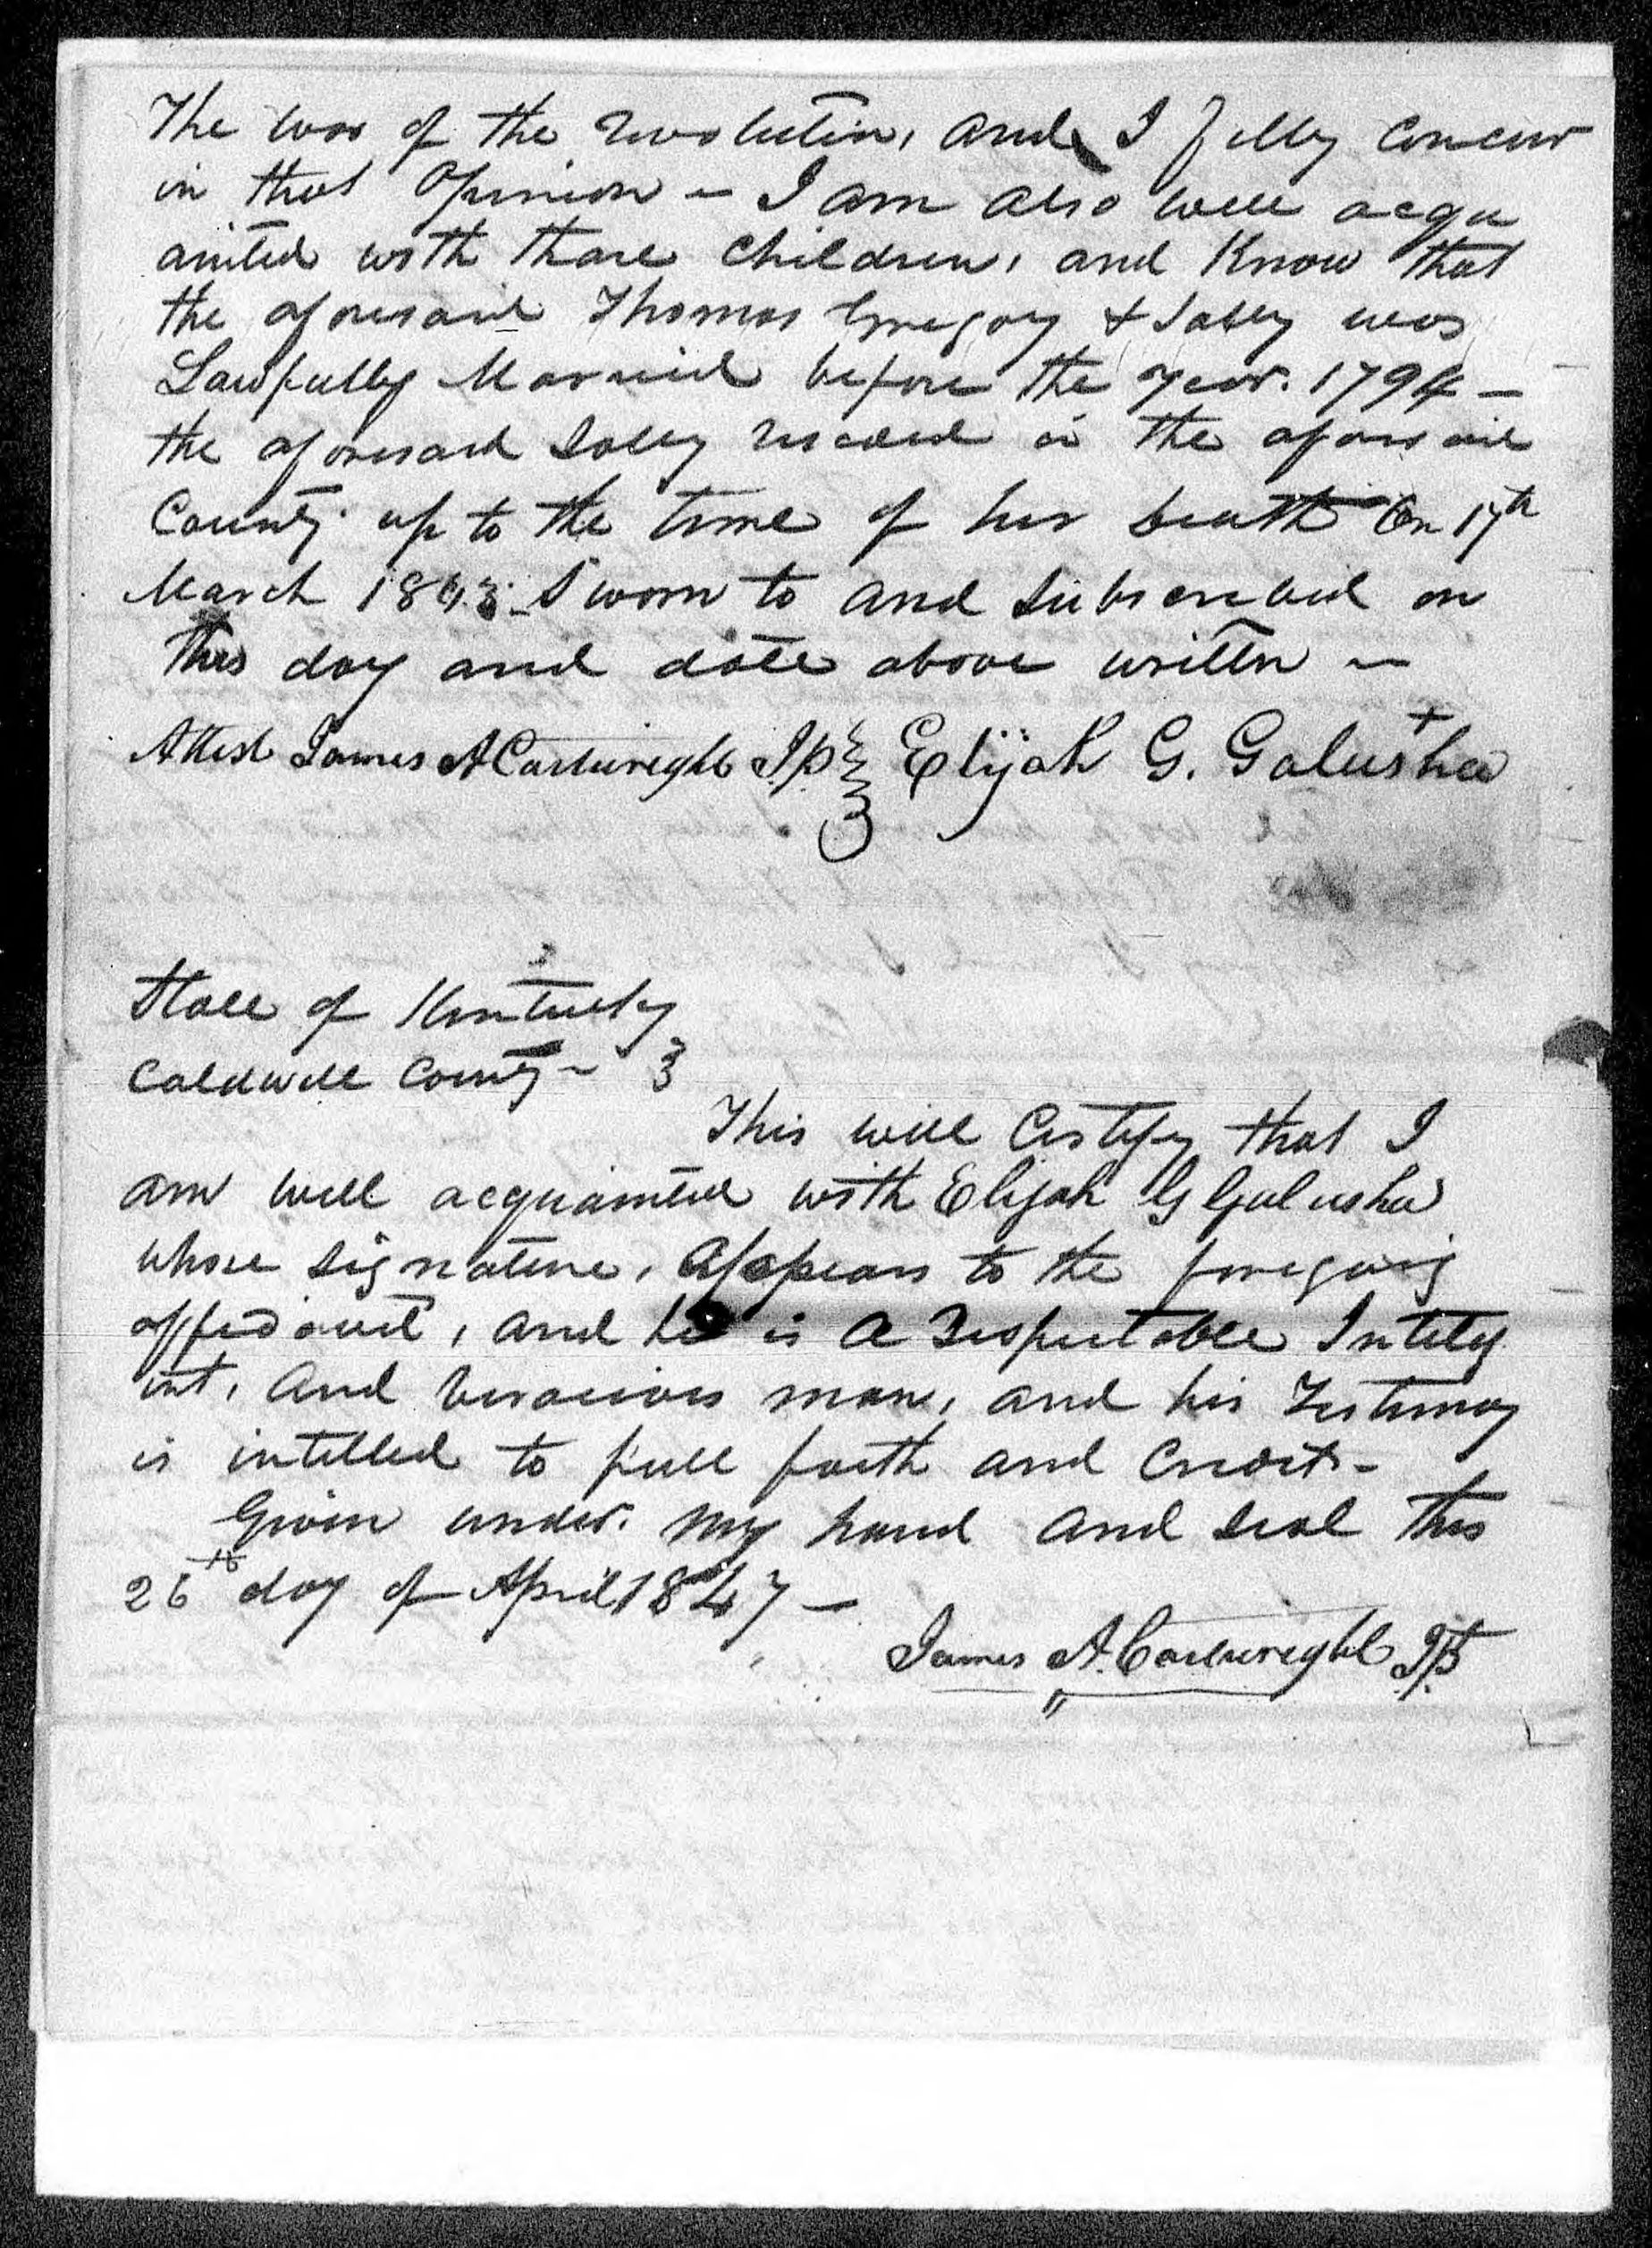The war of the revolution, and I fully concur in that opinion--I am also well acquainted with thare [sic] children, and Know that the aforesaid Thomas Gregory & Sally was Lawfully Married before the year 1794--the aforesaid Sally resided in the aforesaid County up to the time of her death On 17th March 1843. Sworn to and Subscribed on This day and date above written--
Elijah G. Galusha +
Attest James A Cartwright J.P.}

State of Kentucky
Caldwell County - }
This will Certify that I am well acquainted with Elijah G. Galusha whose signature, appears to the foregoing affidavit, and he is a respectable Inteligint [sic], And veracious man, and his Testimony is intitled [sic] to full faith and credit--
Given under my hand and seal this 26th day of April 1847--
James A. Cartwright  J.P.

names: Elijah G Galusha, James A Cartwright, Sally, Elijah G Galusha, James A Cartwright, Sally, Thomas Gregory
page: 11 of 75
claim: widow's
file: W. 8876, Thomas Gregory, Continental Va